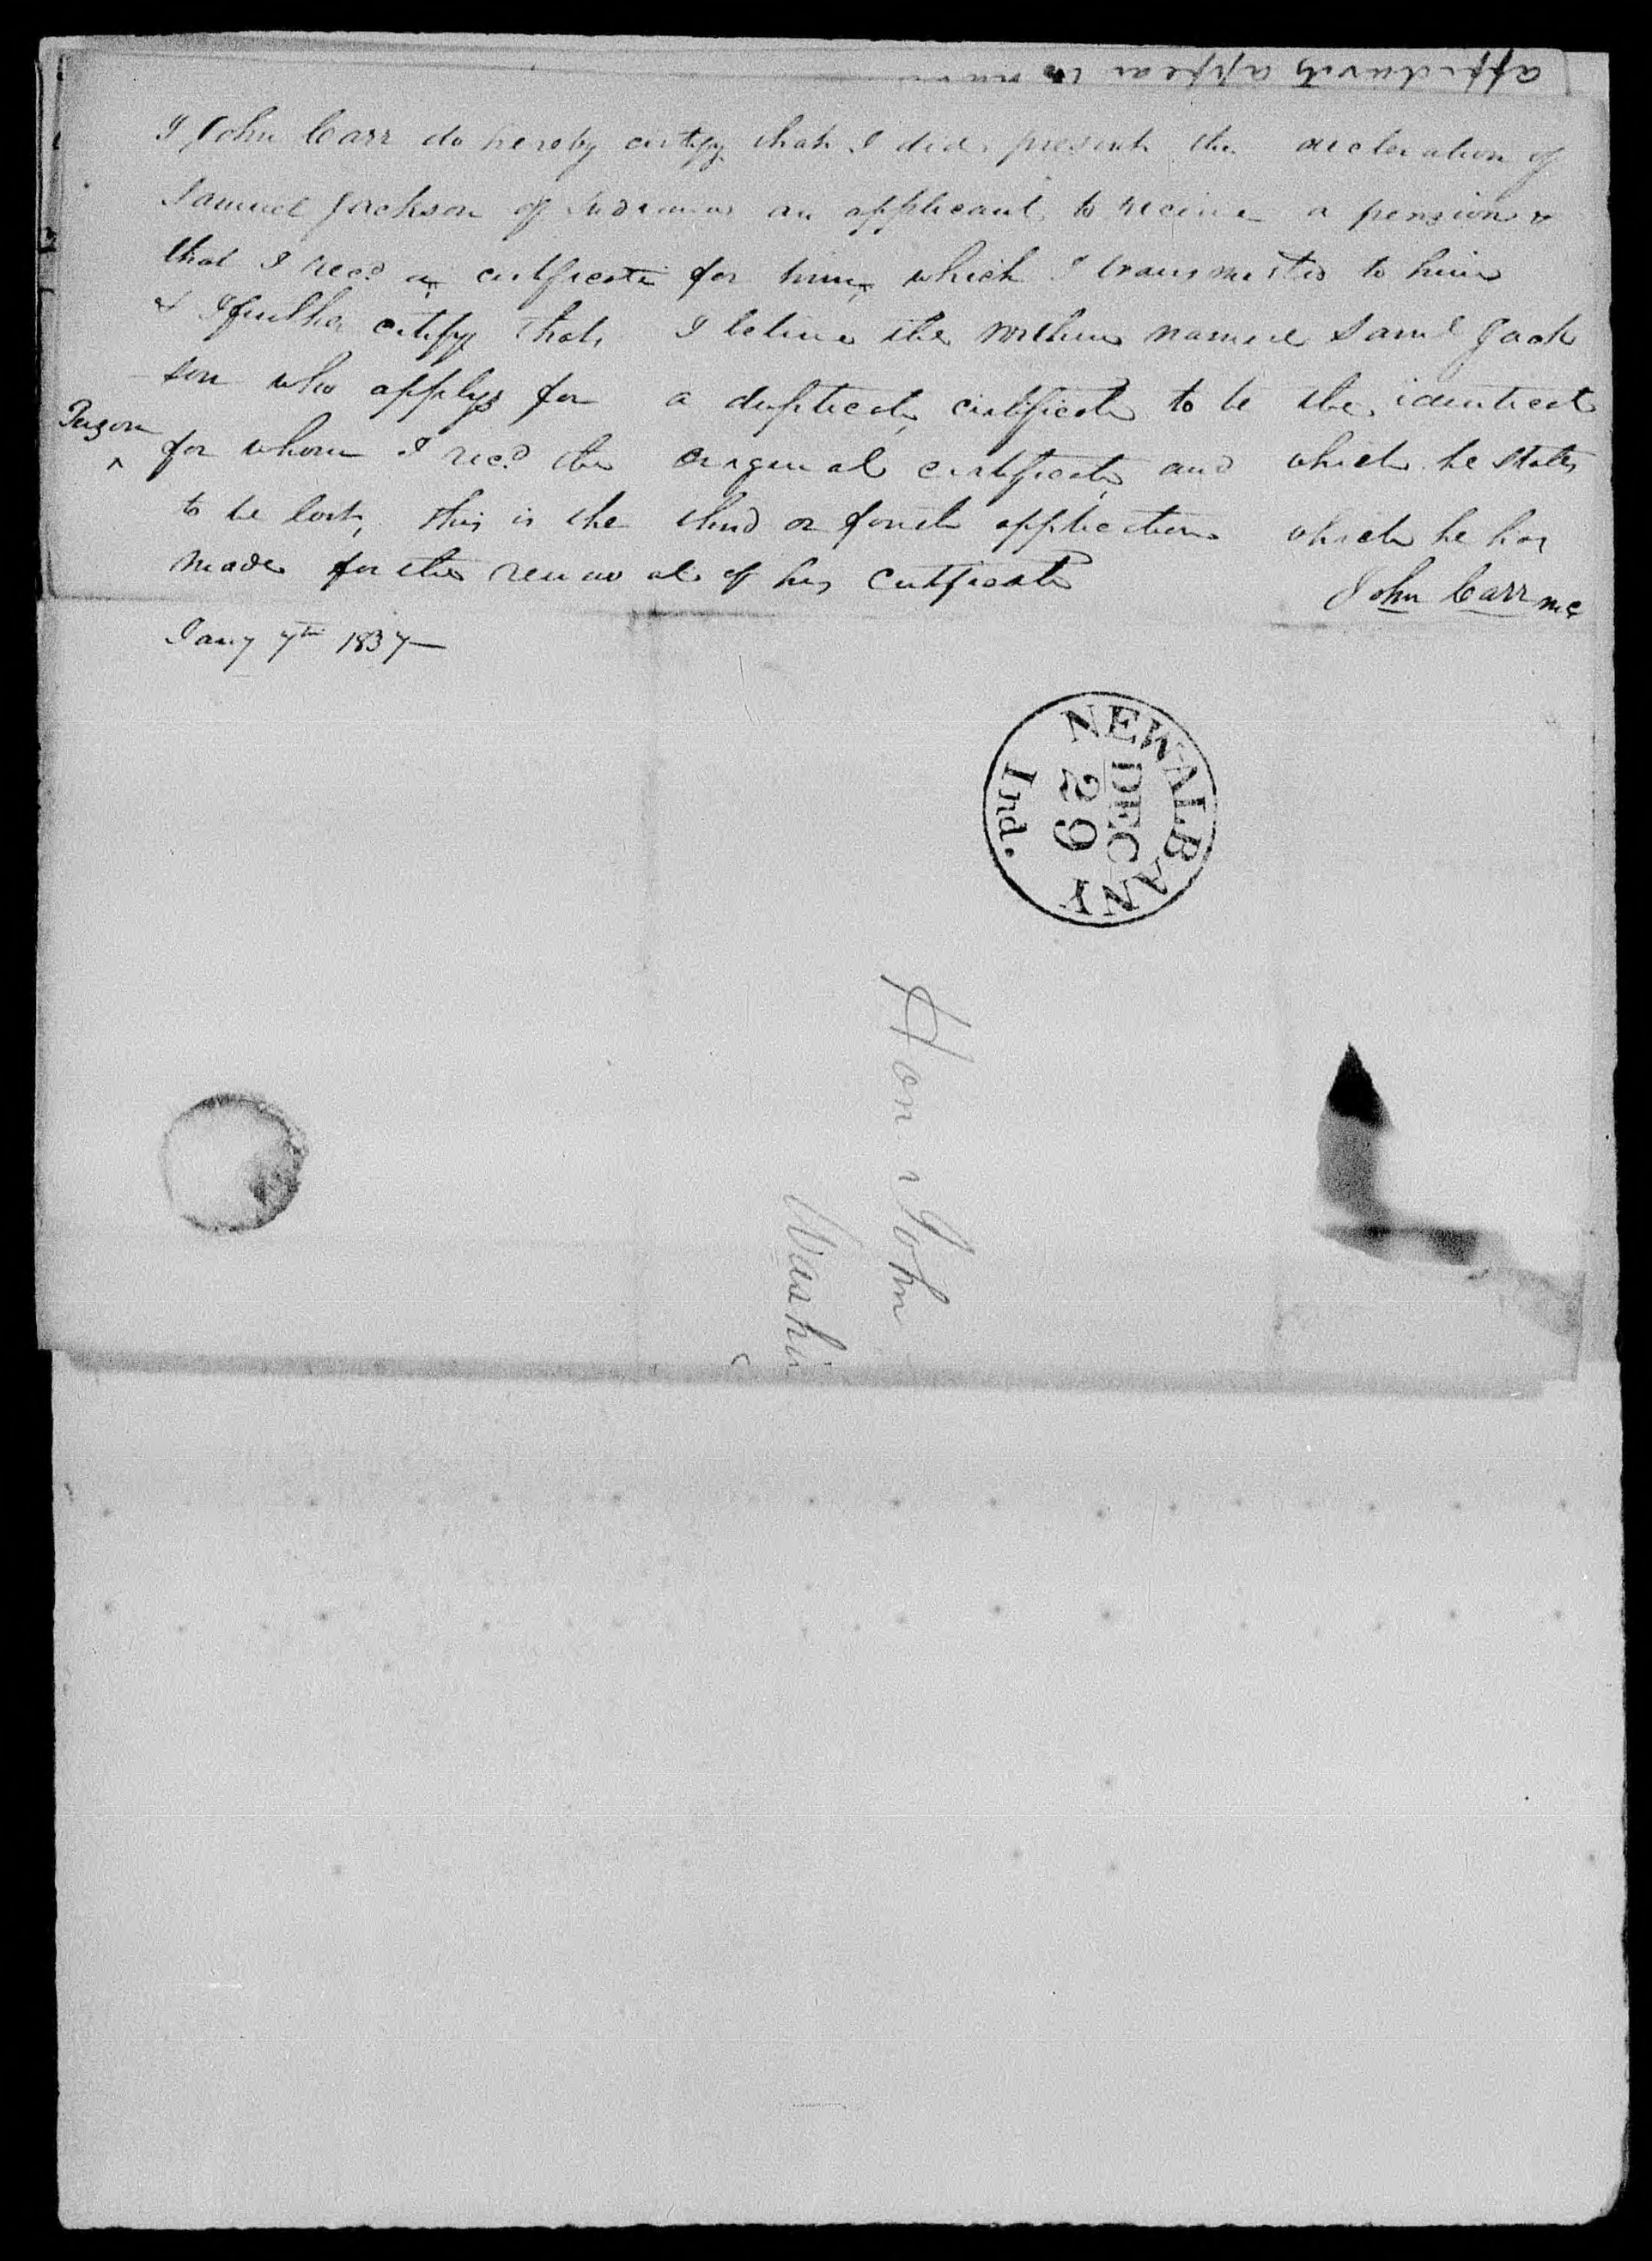I John Carr do hereby certify that I did present the declaration of
Samuel Jackson of Indiana an applicant to receive a pension &
that I recd a certificate for him which I transmitted to him
& further certify that I believe the within named Saml Jackson
who applys for a duplicate certificate to be the identical
Person for whom I recd the original certificate and which he states
to be lost, this is the third or fourth application which he has
made for the renewal of his certificate
John Carr M C
Jany 7th 1837-

NEW-ALBANY Ind.
DEC 29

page: 33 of 56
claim: rejected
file: R 5529, for Samuel Jackson, Virginia